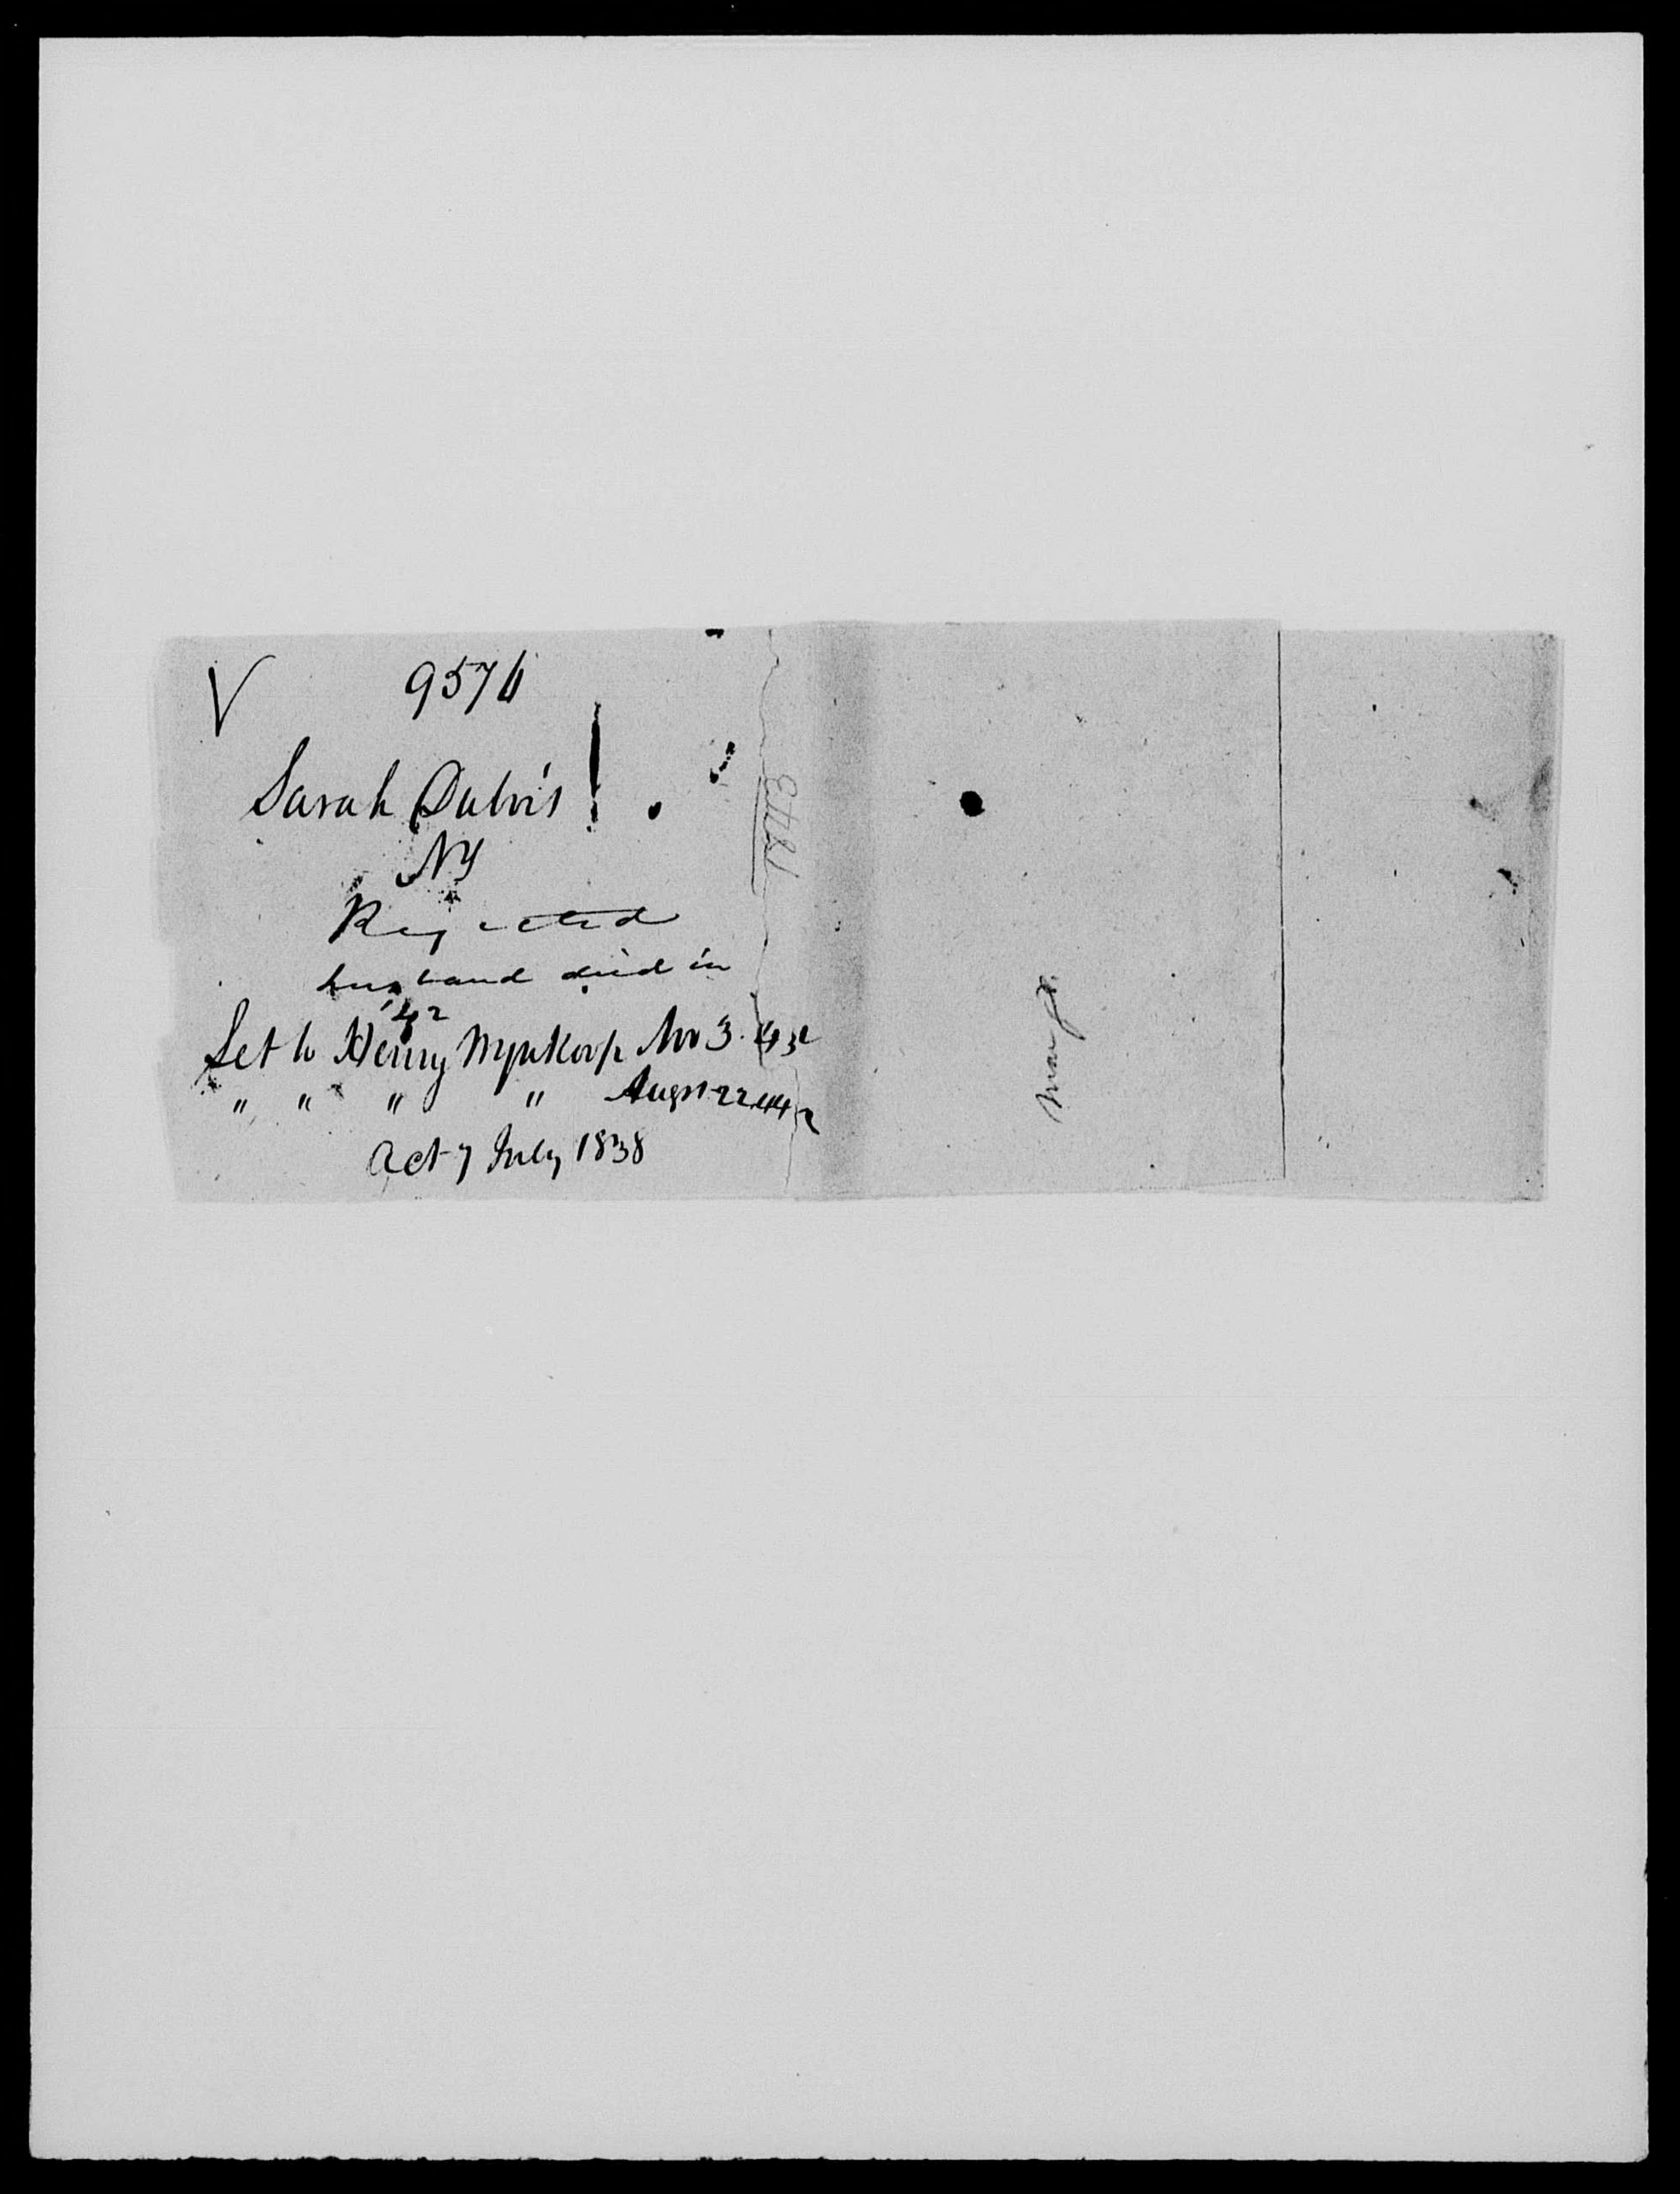V 9576
Sarah Dubois
Ny
Rejected
husband died in '42
Set to Henry Wynkoop Au 3 43
"   "     '           '              Augst 22, 44
Act 7 July 1838

[vertical note} 1843
[vertical note] {illegible]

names: Henry Wynkoop, Sarah Dubois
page: 21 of 36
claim: widow's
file: W 20995, Gerrit Dubois, New York